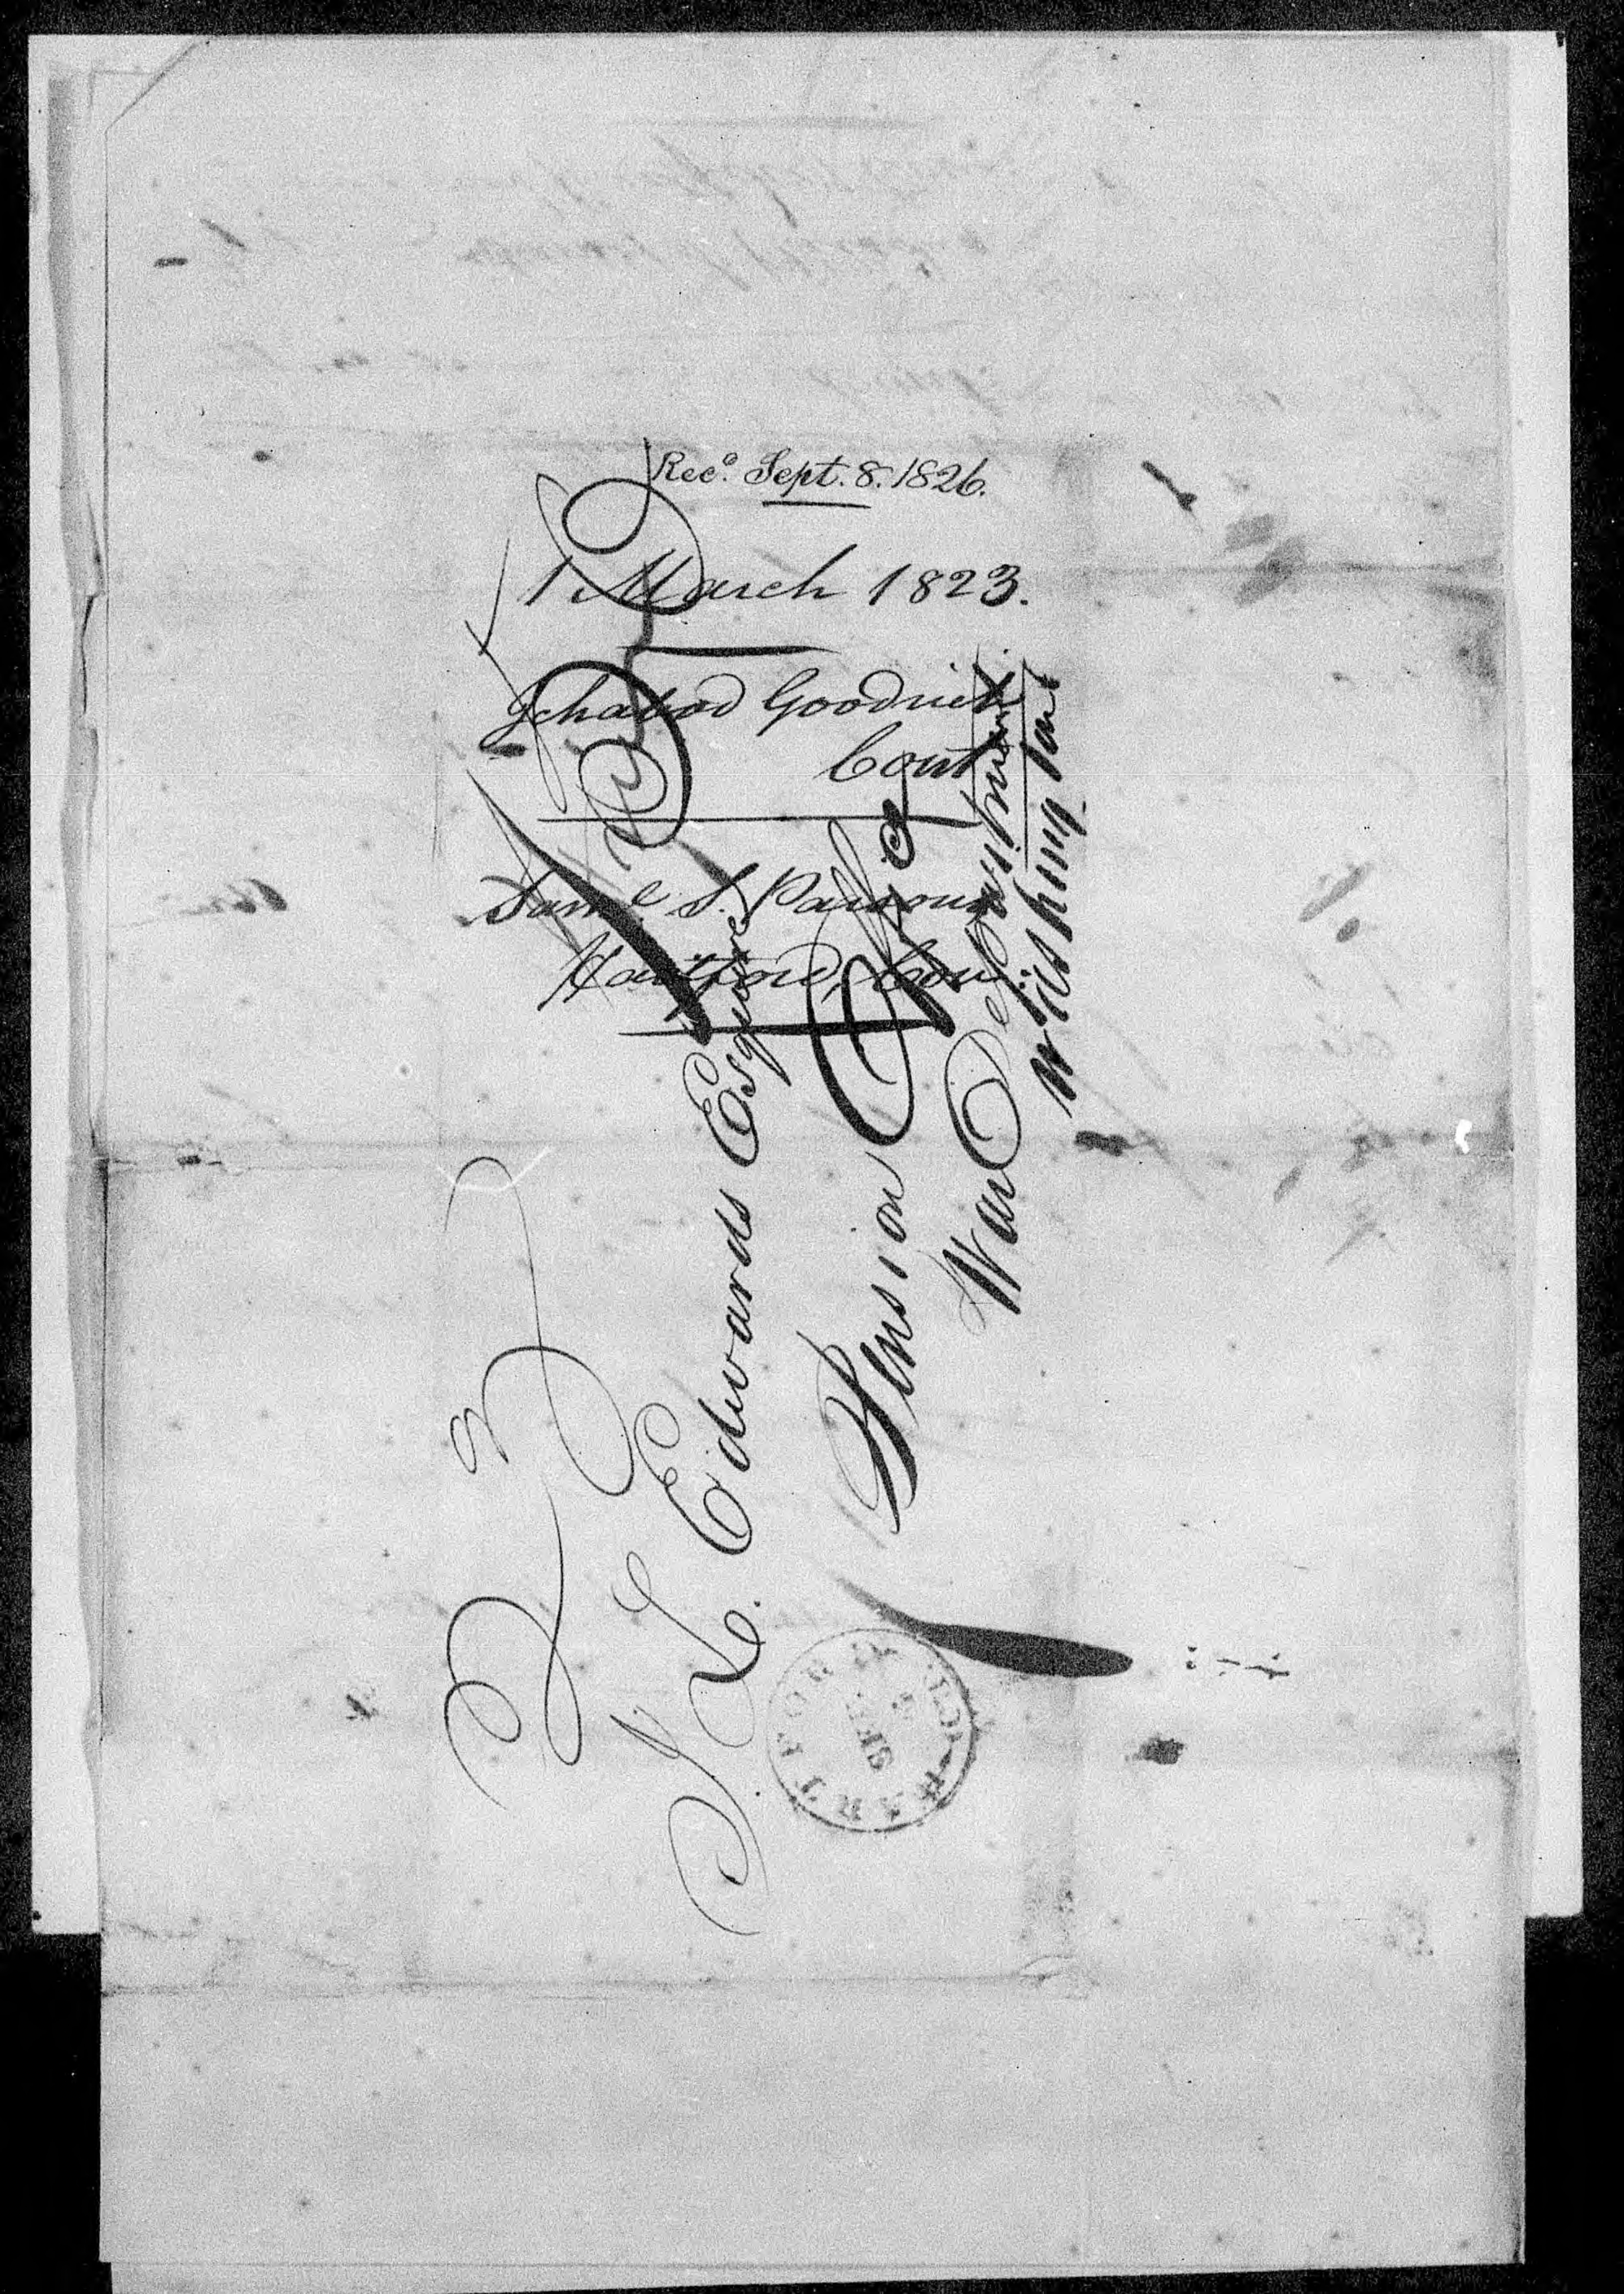Recd Sept 8 1826

1 March 1823

Ichabod Goodrich
Cont

Saml S. Parsons
Hartford Con.

100

J. L. Edwards Esquire
Pension Office
War Department
Washington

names: J L Edwards, Ichabod Goodrich, Saml S Parsons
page: 28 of 46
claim: survivor's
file: S. 36,556, Ichabod Goodrich, Conn.